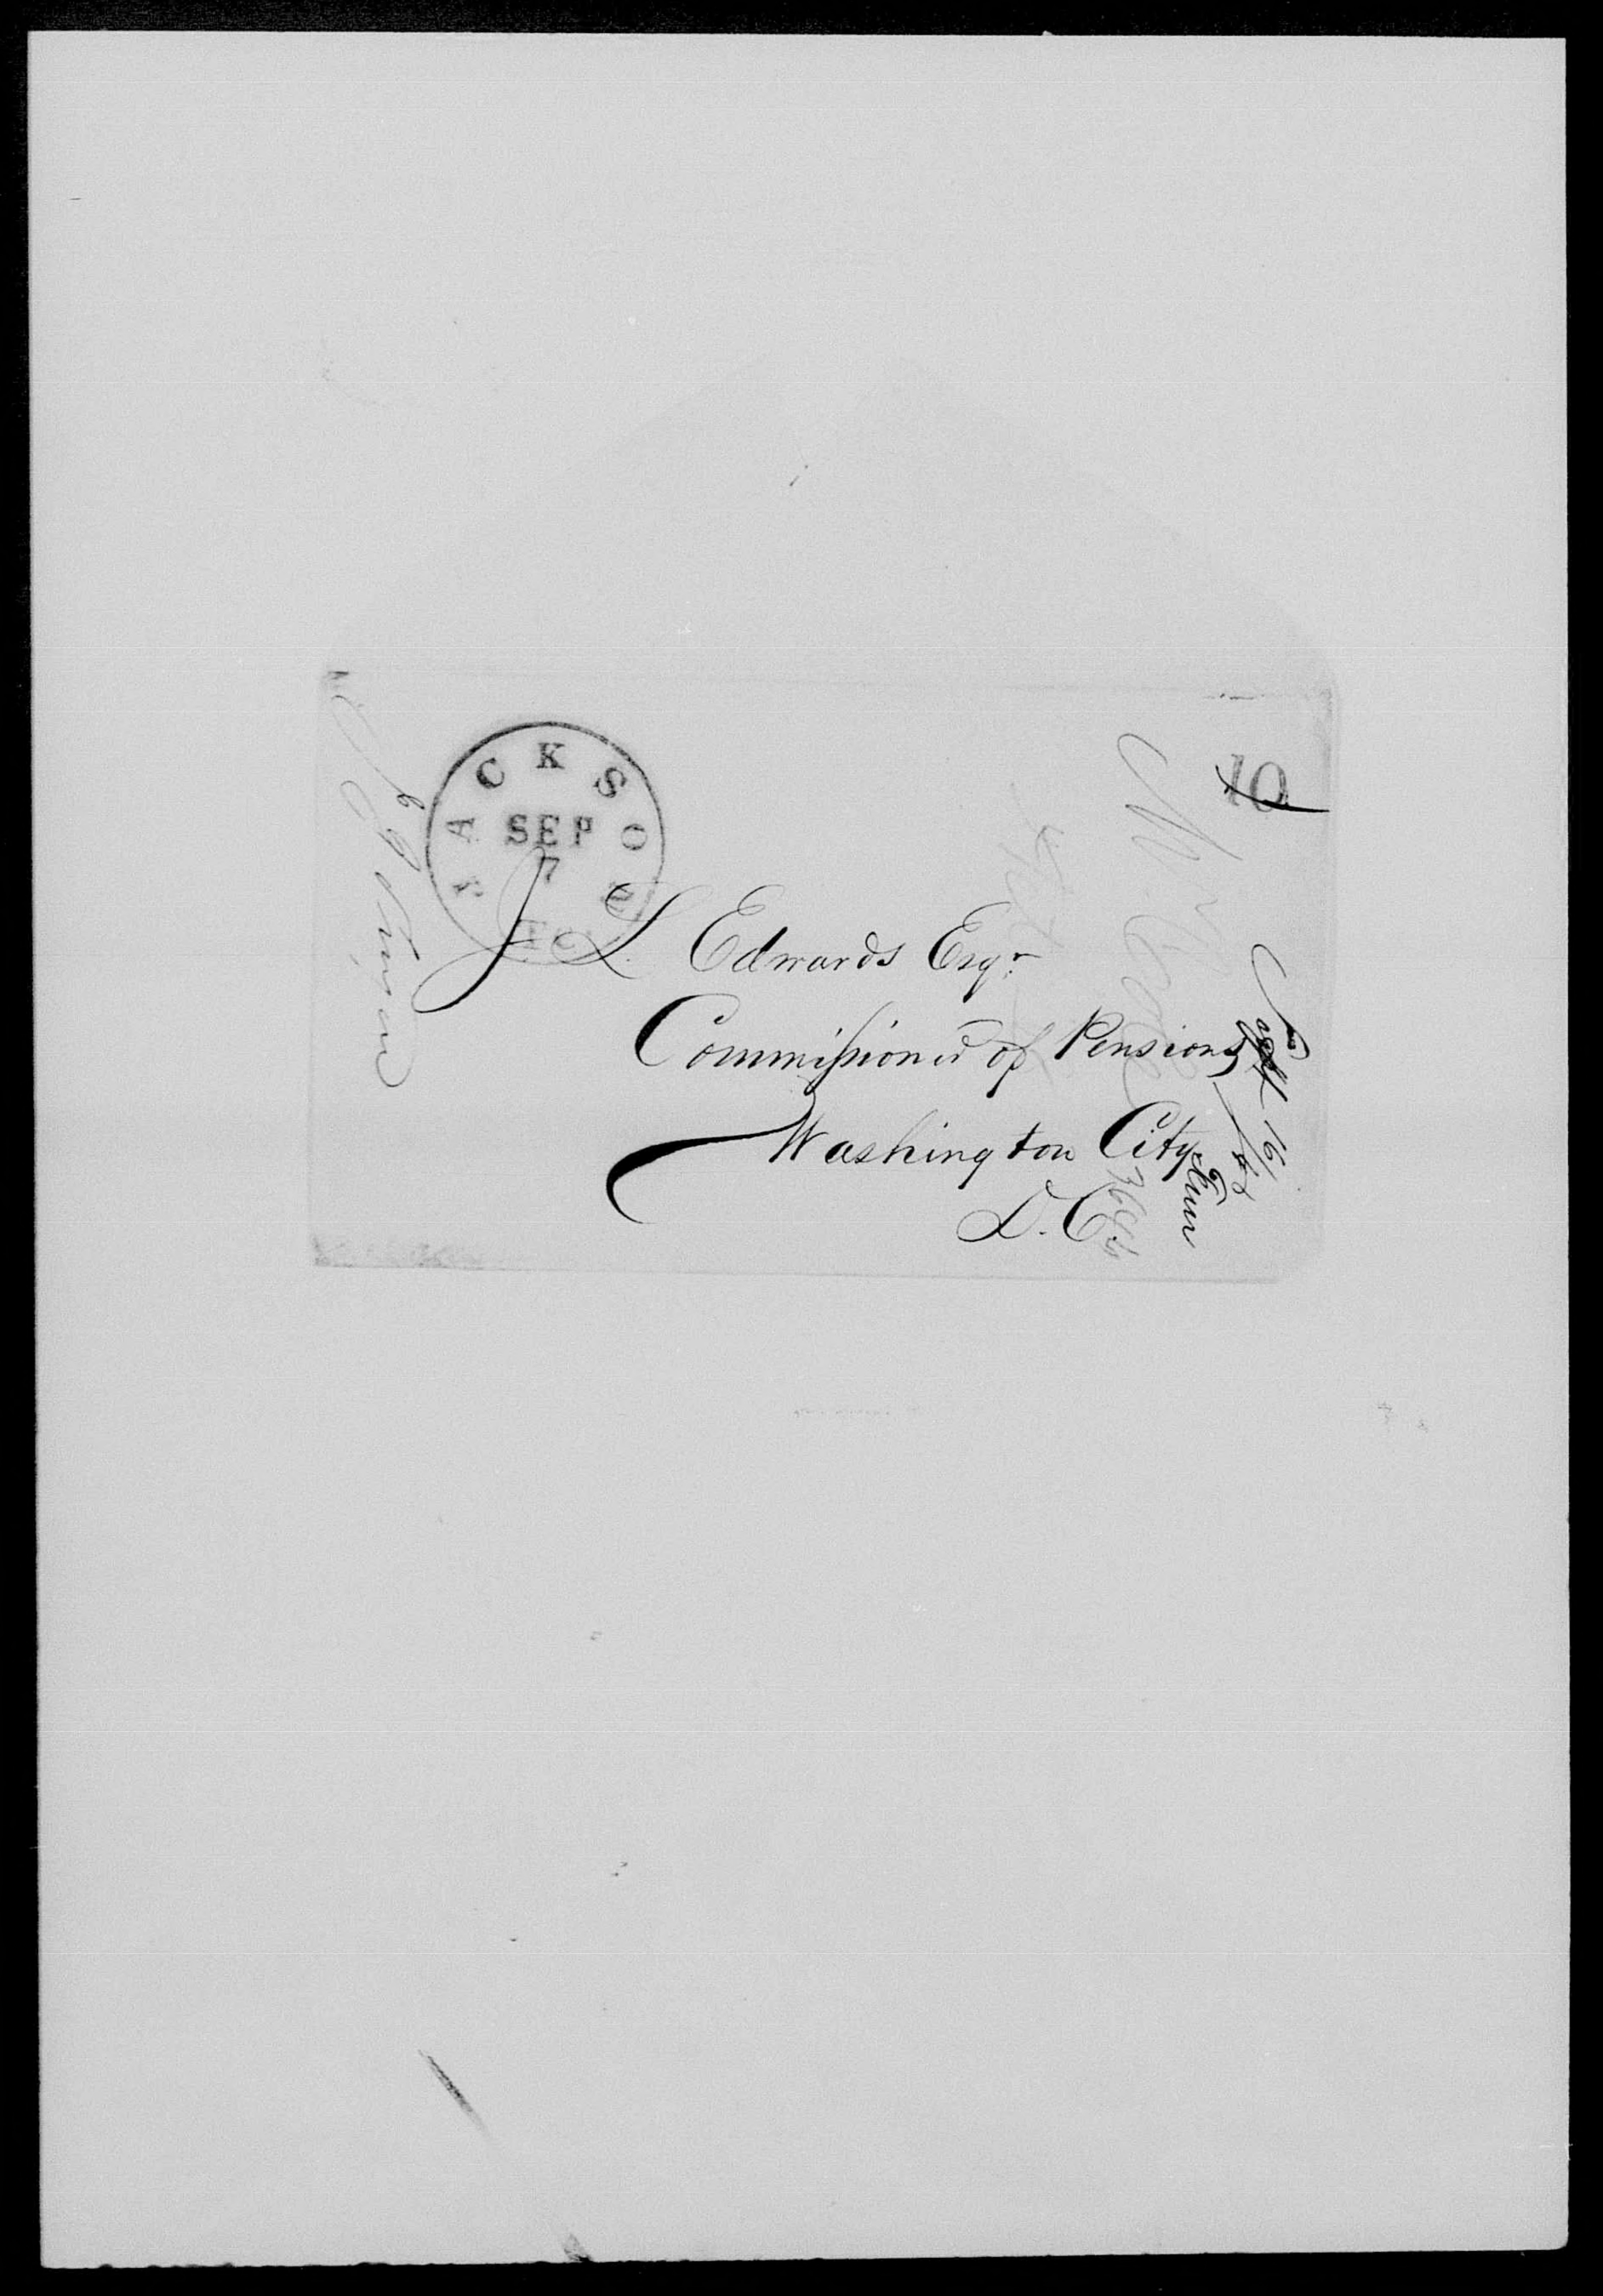[This is an envelope}
Postmark Jackson Sep 7 TC

J.L. Edwards Esqr.
Commissioner of Pensions
Washington City 
D.C.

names: J Johnson, J L Edwards, Cole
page: 20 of 39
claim: widow's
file: W. 789, Richard Fenner, N.C.